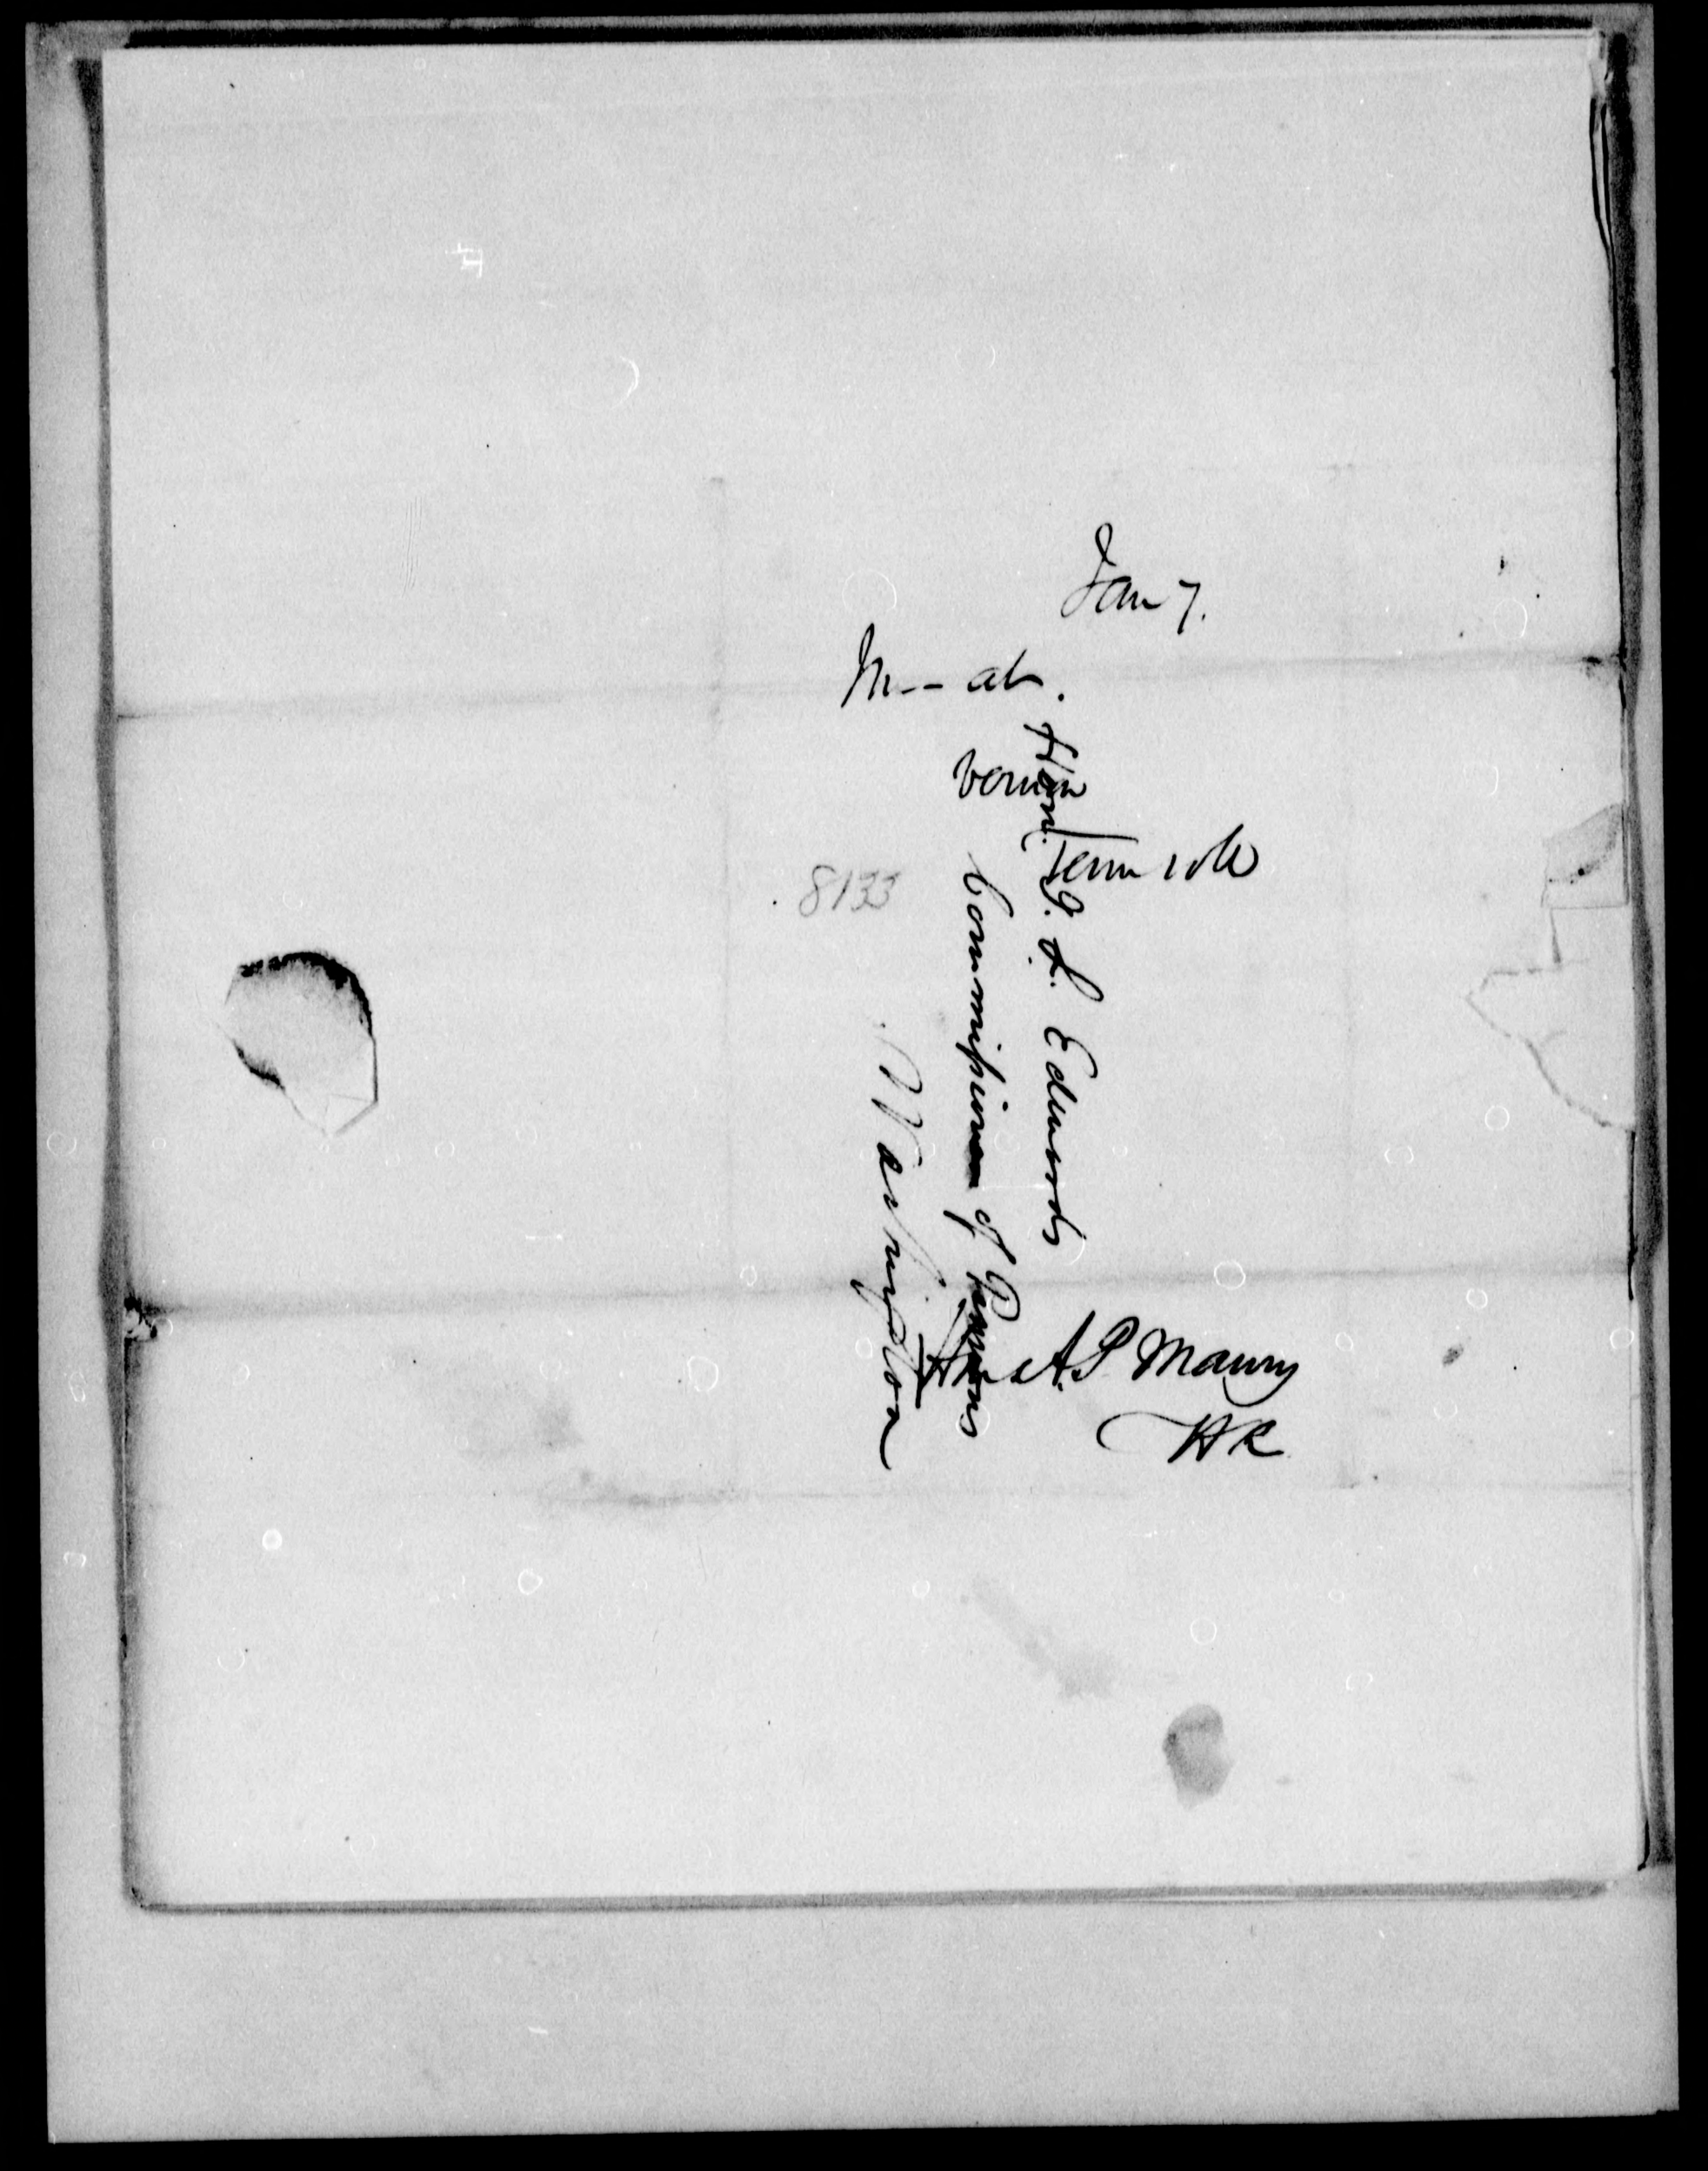Jan 7.
M -- at.
Vernon
Tenn  wk
8133
Hon J. L. Edwards
Commissioner of Pensions
Washington

Hon. AP Maury
HR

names: A P Maury, J L Edwards, Vernon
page: 65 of 105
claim: survivor's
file: S. 1883, Richard Vernon, N.C.